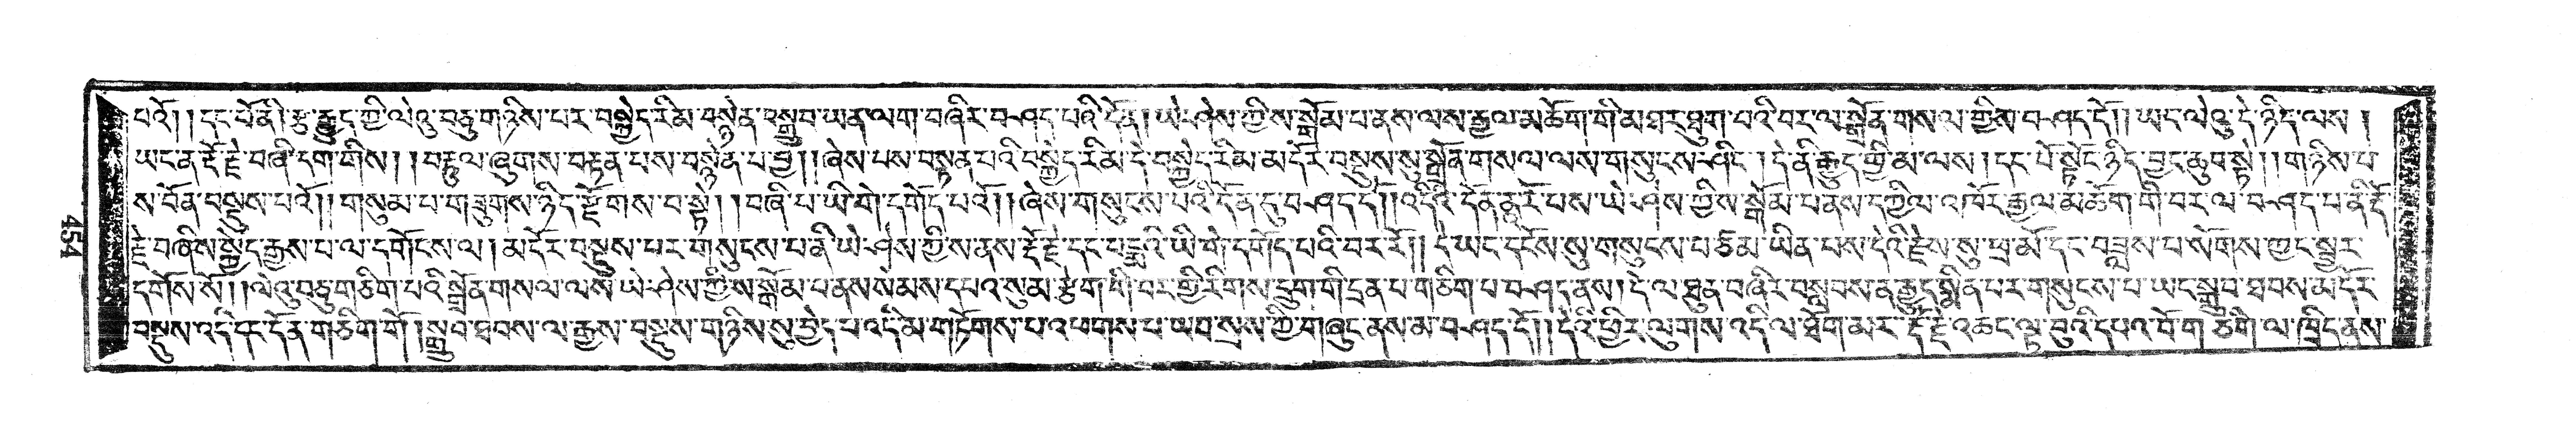པའོ། །དང་པོ་ནི། རྩ་རྒྱུད་ཀྱི་ལེའུ་བཅུ་གཉིས་པར་བསྐྱེད་རིམ་བསྙེན་བསྒྲུབ་ཡན་ལག་བཞིར་བཤད་པའི་དོན། ཡེ་ཤེས་ཀྱི་ས་སྒོམ་པ་ནས་ལས་རྒྱལ་མཆོག་གི་མཐར་ཐུག་པའི་བར་ལ་སྒྲོན་གསལ་གྱིས་བཤད་དོ། །ཡང་ལེའུ་དེ་ཉིད་ལས།
ཡང་ན་རྡོ་རྗེ་བཞི་དག་གོས། །བརྟུལ་ཞུགས་བརྟན་པས་བསྙེན་པ་བྱ། །ཞེས་པས་བསྟན་པའི་བསྐྱེད་རིམ་དེ་བསྐྱེད་རིམ་མདོར་བསྡུས་སུ་སྒོན་གསལ་ལས་གསུངས་ཤིང་། དེ་ནི་རྒྱུད་ཕྱི་མ་ལས། དང་པོ་སྟོང་ཉིད་བྱང་ཆུབ་སྟེ། །གཉིས་པ་
ས་བོན་བསྡུས་པའོ། །གསུམ་པ་གཟུགས་ཉིད་རྫོགས་པ་སྟེ། །བཞི་པ་ཡི་གེ་དགོད་པའོ། །ཞེས་གསུངས་པའི་དོན་དུ་བཤད་དོ། །འདིའི་དོན་ནཱ་རོ་པས་ཡེ་ཤེས་ཀྱིས་སྒོམ་པ་ནས་དཀྱིལ་འཁོར་རྒྱལ་མཆོག་གི་བར་ལ་བཤད་པ་ནི་རྡོ་
རྗེ་བཞིས་སྐྱེད་རྒྱས་པ་ལ་དགོངས་ལ། མདོར་བསྡུས་པར་གསུངས་པ་ནི་ཡེ་ཤེས་ཀྱི་ས་ནས་རྡོ་རྗེ་དང་པདམའི་ཡི་གེ་དགོད་པའི་བར་རོ། །དེ་ཡན་དངོས་སུ་གསུངས་པ་ཙམ་ཡིན་པས་དེའི་རྗེས་སུ་ཕྲ་མོ་དང་བཟླས་པ་སོགས་ཀྱང་སྦྱར་
དགོས་སོ། །ལེའུ་བཅུ་གཅིག་པའི་སྐྲོན་གསལ་ལས་ཡེ་ཤེས་ཀྱི་ས་སྒོམ་པ་ནས་སེམས་དཔའ་སུམ་རྩེག་གི་བར་གྱི་རིགས་དྲུག་གི་དྲན་པ་གཅིག་པ་བཤད་ནས། དེ་ལ་ཐུན་བཞིར་བསླབས་ན་རྒྱུད་སྨིན་པར་གསུངས་པ་ཡང་སྒྲུབ་ཐབས་མདོར་
བསྡུས་འདི་དང་དོན་གཅིག་གོ །སྒྲུབ་ཐབས་ལ་རྒྱས་བསྡུས་གཉིས་སུ་བྱེད་པ་འདི་མ་གཏོགས་པ་འཕགས་པ་ཡབ་སྲས་ཀྱི་གཞུང་ནས་མ་བཤད་དོ། །དེའི་ཕྱིར་ལུགས་འདི་ལ་ཐོག་མར་རྡོ་རྗེ་འཆང་ལྟ་བུའི་དཔའ་བོ་གཅིག་ལ་ཁྲིད་ནས་